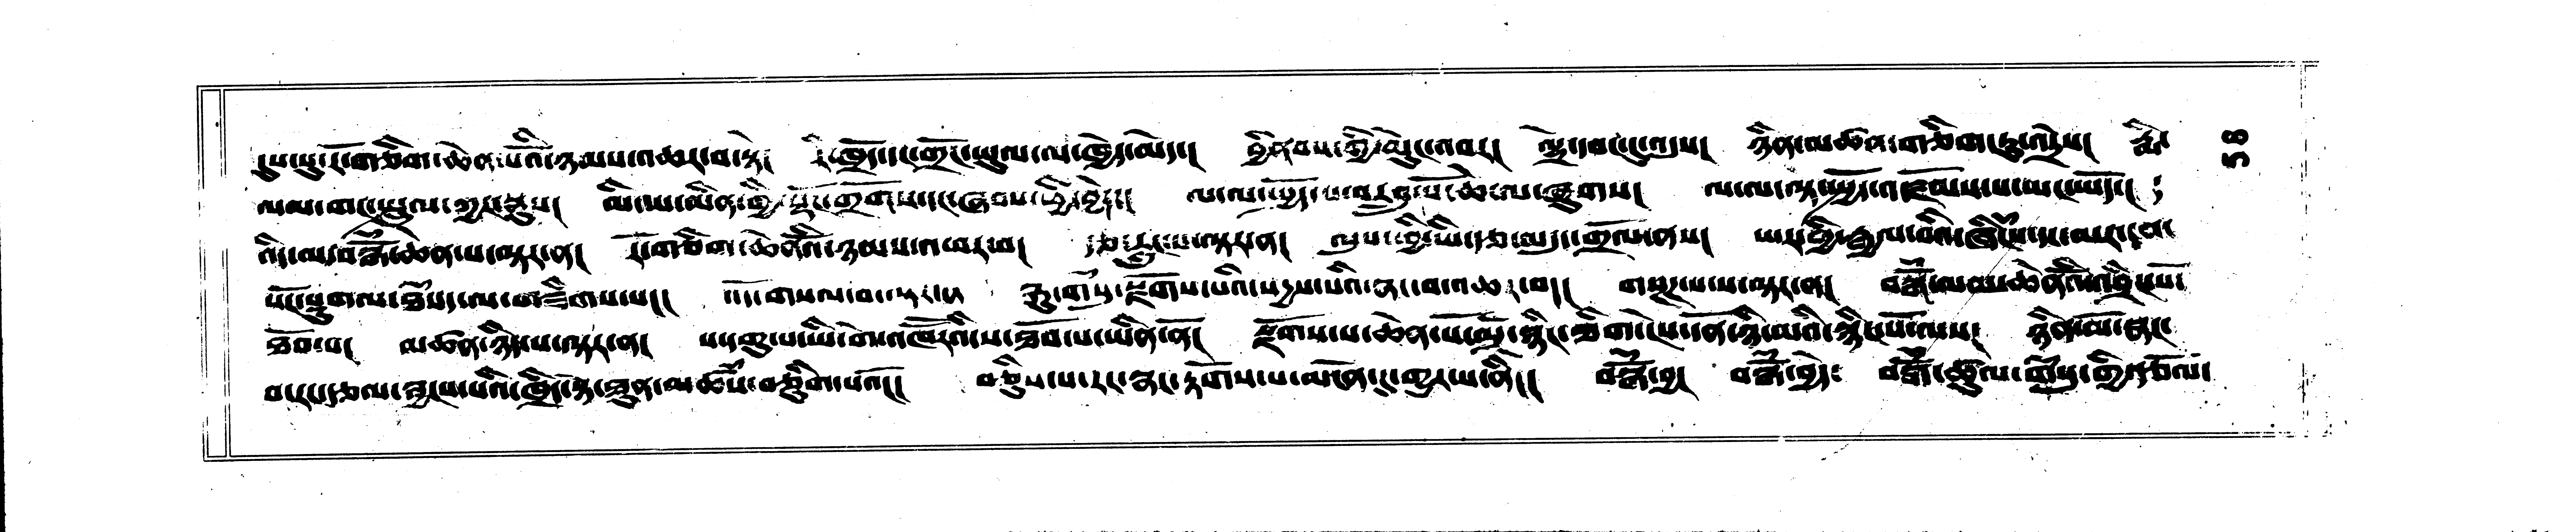དུས་སུ་རོ་གཅིག་ཆེན་པོའི་ཉམས་འཆར་བ་སྟེ། རི་ཁྲོད་དང་གྲོང་ཡུལ་ལ་ཁྱད་མེད། བྱིན་རླབས་ཀྱི་མེ་དཔུང་འབར། ལྷ་འདྲེ་དབང་དུ་འདུས། ཉིན་མཚན་གཅིག་ཏུ་འདྲེས། རྨི་
ལམ་གང་སྤྲུལ་ཀྱང་ནུས། མི་མ་ཡིན་གྱི་སྡོང་གྲོགས་དང་ཞབས་ཕྱི་བྱེད། ལ་ལ་སྤྱོད་པ་རླབས་པོ་ཆེ་ལ་ཞུགས། ལ་ལ་ལྟ་སྤྱོད་འཛོམས་པ་ཡང་ཡོད་དོ།
འདི་ལ་སྒོམ་ཆེན་པ་ལྟར་ན། རོ་གཅིག་ཆེན་པོའི་ཉམས་འཕར་བ། རྩ་རླུང་པ་ལྟར་ན་ལུས་ཕྱི་ཡི་རྩ་མདུད་གྲོལ་ནས། ཡར་གྱི་རྒྱལ་བའི་ཞིང་ཁམས་དང་མར་ངན་
སོང་བསྔལ་ཐམས་ཅད་ལ་གཟིགས་པ། འོད་གསལ་བ་ལྟར་ན། སྐུ་གསུམ་རྫོགས་པའི་སངས་རྒྱས་པའི་སྣང་བ་འཆར་བ། གསང་སྔགས་པ་ལྟར་ན། སྒོམ་ལམ་ཆེན་པོའི་འབྲིང་པོ་
ཐོབ་པ། མཚན་ཉིད་པ་ལྟར་ན། ས་དགུ་པ་ཡི་གེ་འཁོར་ལོའི་ས་ཐོབ་པ་ཡིན་ནོ། །རྫོགས་པ་ཆེན་པོ་མཁའ་འགྲོ་སྙིང་ཐིག་ངེས་དོན་ཉི་མའི་སྙིང་པོ་ལས། ཉིན་མོ་སྣང་
བ་རང་རྩལ་སྦྱངས་པའི་ཁྲིད་དེ་ཐུན་མཚམས་བཅུ་གཅིག་པའོ།། །།བཅུ་གཉིས་པ་རང་སྣང་རྟོགས་པ་མངོན་དུ་གྱུར་པ་ནི། བསྒོམ་བྱ། སྒོམ་བྱེད། བསྒོམ་ཚུལ་གསུམ་གྱི་རྩོལ་